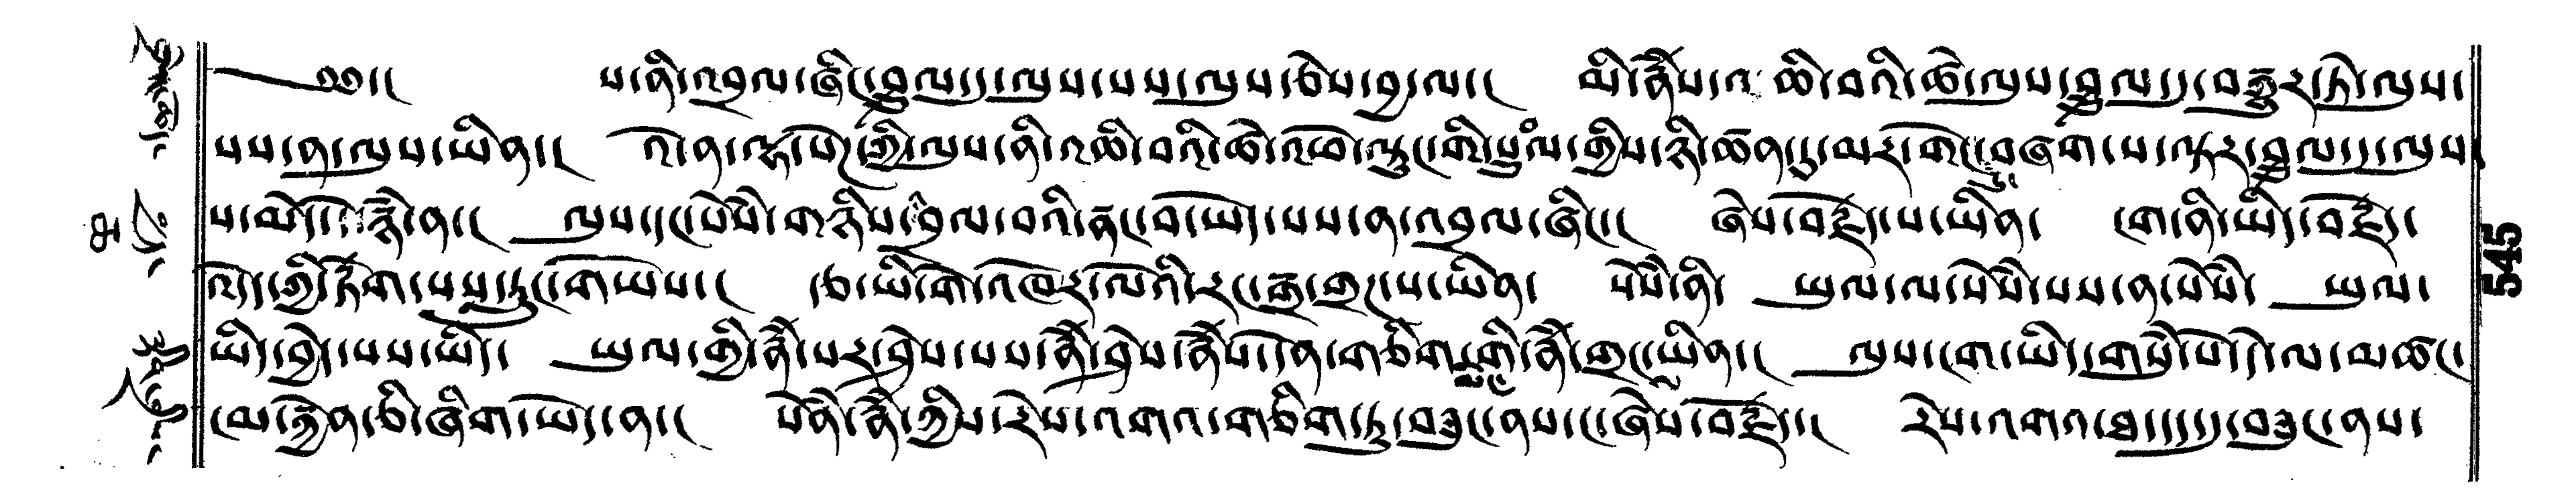པ་ནི་འབྲལ་ཞིང་ཤུལ་དུ་ལུས་པས་ལུས་ཅེས་བྱ་ལ། མི་རྣམས་འཆི་བའི་ཚེ་ལུས་ཤུལ་དུ་བསྐྱུར་ཏེ་ལུས་
པས་ན་ལུས་ཡིན། འོ་ན་ལྷ་སོགས་ཀྱི་ལུས་ནི་འཆི་བའི་ཚེ་འཕོ་ལྟུང་གི་སྡུག་བསྔལ་གྱིས་ཉིན་ཚན་དུ་མར་གོང་དུ་བཞག་པ་ལྟར་ཤུལ་དུ་ལུས་
པ་མེད་དོ་སྙམ་ན། ལུས་དང་སེམས་གཉིས་འབྲལ་བའི་སྣང་བ་ཡོད་པས་ན། འབྲལ་ཞིང་ཞེས་བརྗོད་པ་ཡིན། ངག་ནི་ཡིད་བརྗོད་
འདོད་ཀྱི་རྟོག་པས་རླུང་གཡོས། རྩ་ཡི་གེ་འཁོར་ལོའི་རང་སྒྲ་གྲགས་པ་ཡིན། སེམས་ནི། ཡུལ་ལ་སེམས་པས་ན་སེམས། ཡུལ་
ཡིད་ལ་བྱེད་པས་ཡིད། ཡུལ་གྱི་རྣམ་པ་ཤེས་པས་རྣམ་ཤེས་རྣམས་དོན་གཅིག་མིང་གི་རྣམ་གྲངས་ཡིན། ལུས་ངག་ཡིད་གསུམ་པོ་དེ་ལ་མཚང་
ངམ་སྐྱོན་ཅི་ཞིག་ཡོད་ན། སེམས་ཅན་རྣམས་ཀྱིས་རེས་འགའ་གཅིག་ཏུ་བཟུང་ནས་ང་ཞེས་བརྗོད། རེས་འགའ་ཐ་དད་དུ་བཟུང་ནས་